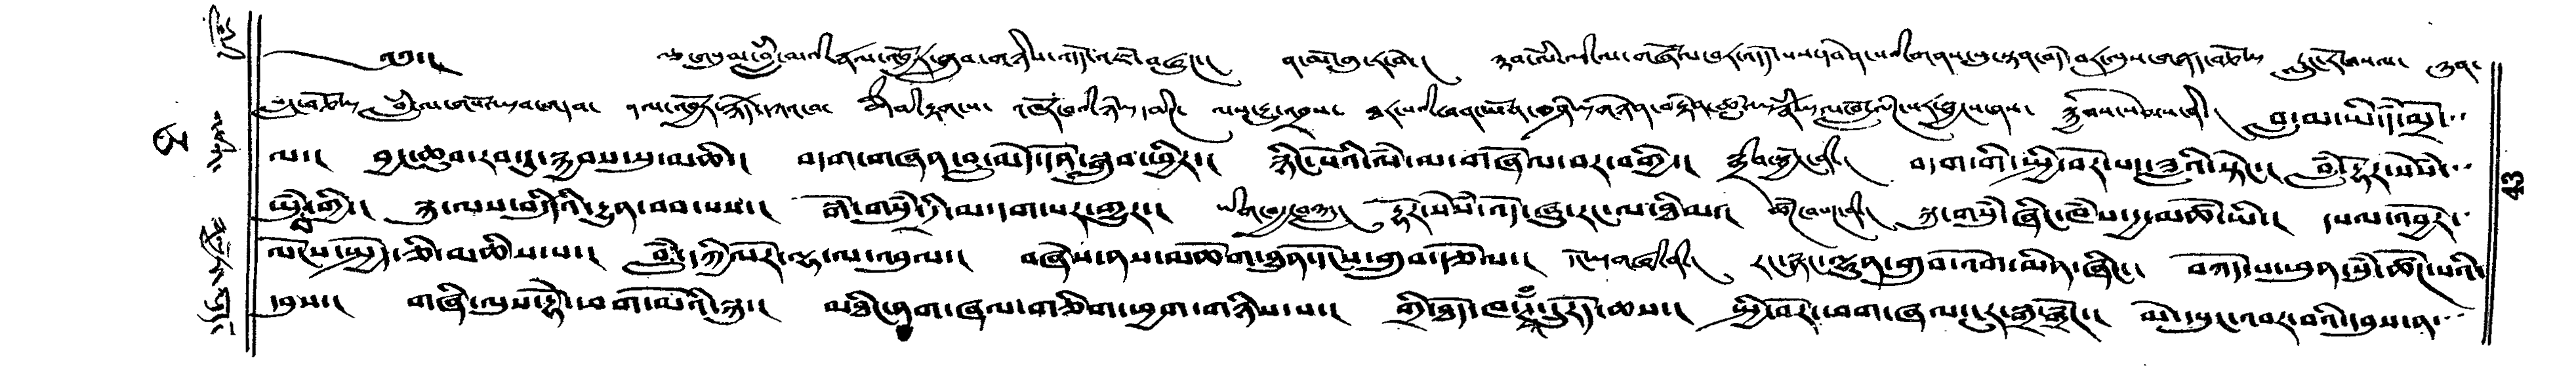རྩ་གསུམ་བླ་མའི་རྣལ་འབྱོར་གྲུབ་གཉིས་འདོད་འཇོ་བཞུགས། ན་མོ་གུ་ར་བྷྱཿ ཟབ་ལམ་འདི་ལ་གཞོལ་བར་འདོད་པས་དབེན་པའི་གནས་སུ་སྟན་བདེ་བར་ལུས་གནད་བཅོས། རླུང་རོ་བསལ། ཀུན་
སློང་བཅོས། བླ་མར་གསོལ་བ་གདབ། དལ་འབྱོར་རྙེད་དཀའ་བ། ཚེ་མི་རྟག་པ། འཁོར་བའི་ཉེས་དམིགས། ལས་རྒྱུ་འབྲས། ཐར་པའི་ཕན་ཡོན་བཤེས་གཉེན་བསྟེན་ཚུལ་རྣམས་ལ་བློ་ལེགས་པར་སྦྱངས་ནས། སྐྱབས་སེམས་ནི། བླ་མ་ཡི་དམ་མཁའ་འགྲོ་
ལ། །བྱང་ཆུབ་བར་དུ་སྐྱབས་སུ་མཆི། །བདག་གཞན་བླ་མེད་དོན་སྒྲུབ་ཕྱིར། །སྙིང་པོའི་ལམ་ལ་གཞོལ་བར་བགྱི། སྒྲིབ་སྦྱོང་ནི། བདག་གི་སྤྱི་བོར་པད་ཟླའི་སྟེང་། །བླ་མ་རྡོར་སེམས་
ཡབ་ཡུམ་གྱི། སྐུ་ལ་བདུད་རྩིའི་རྒྱུན་བབས་པས། །སྒོ་གསུམ་དྲི་མ་དག་པར་གྱུར། ཡིག་བརྒྱ་བཟླ། རྡོར་སེམས་འོད་ཞུ་རང་ལ་ཐིམ། ཚོགས་བསོག་ནི། སྐུ་གསུམ་ཞིང་ཁམས་རྒྱ་མཚོ་ཡི། །དཔལ་འབྱོར་
ལོངས་སྤྱོད་ཅི་མཆིས་པ། །བླ་མ་དཀྱིལ་འཁོར་ལྷ་ལ་འབུལ། །བཞེས་ནས་མཆོག་ཐུན་དངོས་གྲུབ་སྩོལ། དངོས་གཞི་ནི། རང་སྣང་ལྷུན་གྲུབ་འོག་མིན་ཞིང་། །བཀོད་པ་ཕུན་སུམ་ཚོགས་པའི་
དབུས། །གཞི་ལུས་རྡོ་རྗེ་ཕག་མོའི་སྐུ། །མཐིང་ནག་ཞལ་གཅིག་ཕྱག་གཉིས་པ། །གྲི་ཐོད་ཁ་ཊྭྃ་དུར་ཁྲོད་ཆས། །སྤྱི་བོར་ཕག་ཞལ་ངུར་སྒྲ་སྒྲོག །མེ་དཔུང་འབར་བའི་དབུས་ན་